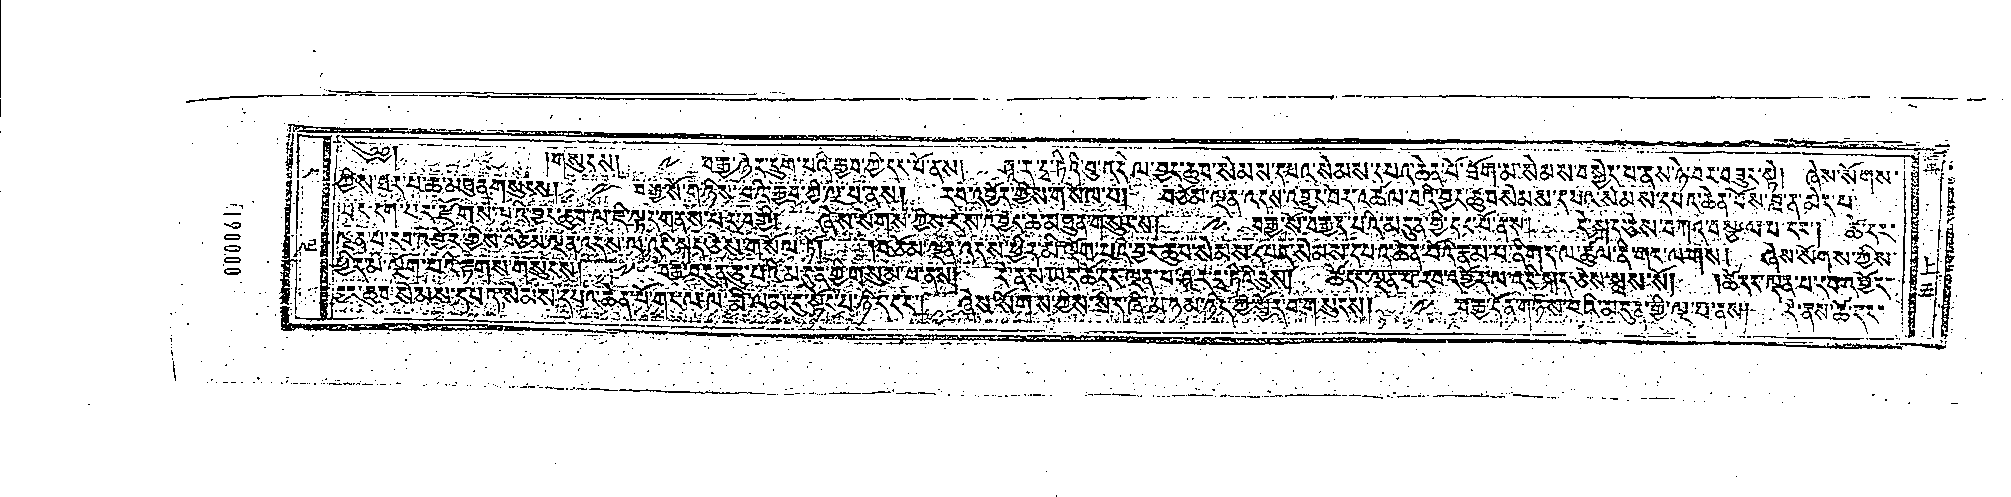༄༅། །གསུངས། ༧་བརྒྱ་ཉེར་དྲུག་པའི་རྒྱབ་ཀྱི་དང་པོ་ནས། ཤཱ་ར་དྭ་ཏིའི་བུ་འདི་ལ་བྱང་ཆུབ་སེམས་དཔའ་སེམས་དཔའ་ཆེན་པོ་ཐོག་མ་སེམས་བསྐྱེད་པ་ནས་ཉེ་བར་བཟུང་སྟེ། ཞེས་སོགས་
ཀྱིས་ཐར་པ་ཆ་མཐུན་གསུངས། ༧་བརྒྱ་སོ་གཉིས་བའི་རྒྱབ་ཀྱི་ལྔ་པ་ནས། རབ་འབྱོར་གྱིས་གསོལ་པ། བཅོམ་ལྡན་འདས་འབྱུང་བར་འཚལ་བའི་བྱང་ཆུབ་སེམས་དཔའ་སེམས་དཔའ་ཆེན་པོས་བླ་ན་མེད་པ་
ཡང་དག་པར་རྫོགས་པའི་བྱང་ཆུབ་ལ་ཇི་ལྟར་གནས་པར་བགྱི། ཞེས་སོགས་ཀྱིས་ངེས་འབྱེད་ཆ་མཐུན་གསུངས། ༧་བརྒྱ་སོ་བརྒྱད་པའི་མདུན་གྱི་དང་པོ་ནས། དེ་སྐད་ཅེས་བཀའ་བསྩལ་པ་དང་། ཚེ་དང་
ལྡན་པ་རབ་འབྱོར་གྱིས་བཅོམ་ལྡན་འདས་ལས་འདི་སྐད་ཅེས་གསོལ་ཏོ། །བཅོམ་ལྡན་འདས་ཕྱིར་མི་ལྡོག་པའི་བྱང་ཆུབ་སེམས་དཔའ་སེམས་དཔའ་ཆེན་པོའི་རྣམ་པ་ནི་གང་ལ་ཚུལ་ནི་གད་ལགས། ཞེས་སོགས་ཀྱིས་
ཕྱིར་མི་ལྡོག་པའི་རྟགས་གསུངས། ༧་བརྒྱ་བདུན་ཅུ་པའི་མདུན་གྱི་གསུམ་པ་ནས། དེ་ནས་ཡང་ཚེ་དང་ལྡན་པ་ཤཱ་ར་དྭ་ཏིའི་བུས། ཚེ་དང་ལྡན་པ་རབ་འབྱོར་ལ་འདི་སྐད་ཅེས་སྨྲས་སོ། །ཚེ་དང་ལྡན་པ་རབ་འབྱོར་
བྱང་ཆུབ་སེམས་དཔའ་སེམས་དཔའ་ཆེན་པོ་གང་ལ་ལ་རྨི་ལམ་དུ་སྟོང་པ་ཉིད་དང་། ཞེས་སོགས་ཀྱིས་སྲིད་ཞི་མཉམ་ཉིད་ཀྱི་སྦྱོར་བ་གསུངས། ༧་བརྒྱ་དོན་གཉིས་པའི་མདུན་གྱི་ལྔ་པ་ནས། དེ་ནས་ཚེ་དང་